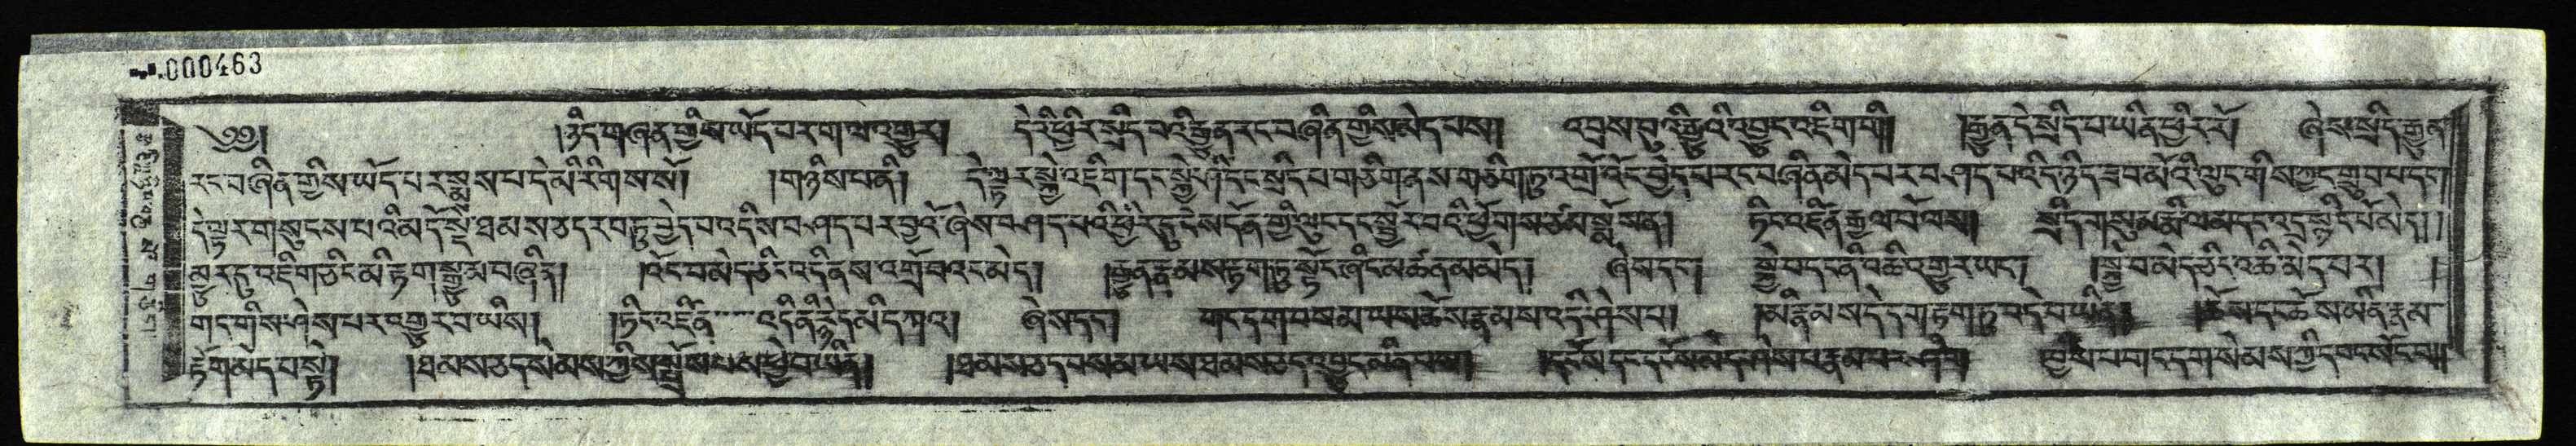༄༅། །ཉིད་གཞན་གྱིས་ཡོད་པར་ག་ལ་འགྱུར། དེའི་ཕྱིར་སྲིད་པའི་རྒྱུན་རང་བཞིན་གྱིས་མེད་པས། འབྲས་བུའི་རྒྱུའི་འབྱུང་འཇིག་གི། །རྒྱུན་དེ་སྲིད་པ་ཡིན་ཕྱིར་རོ། ཞེས་སྲིད་རྒྱུན་
རང་བཞིན་གྱིས་ཡོད་པར་སྨྲས་པ་དེ་མི་རིགས་སོ། །གཉིས་པ་ནི། དེ་ལྟར་སྐྱེ་འཇིག་དང་སྐྱེ་ཤི་དང་སྲིད་པ་གཅིག་ནས་གཅིག་ཏུ་འགྲོ་འོང་བྱེད་པ་རང་བཞིན་མེད་པར་བཤད་པ་འདི་ཉིད་ཟབ་མོའི་ལུང་གིས་ཀྱང་གྲུབ་པ་དང་།
དེ་ལྟར་གསུངས་པའི་མདོ་སྡེ་ཐམས་ཅད་རབ་ཏུ་བྱེད་པ་འདིས་བཤད་པར་བྱའོ་ཞེས་བཤད་པའི་ཕྱིར་དུ་ངེས་དོན་གྱི་ལུང་དང་སྦྱོར་བའི་ཕྱོགས་ཙམ་སྨོས་ན། ཏིང་འཛིན་རྒྱལ་པོ་ལས། སྲིད་གསུམ་རྨི་ལམ་དང་འདྲ་སྙིང་པོ་མེད།།
མྱུར་དུ་འཇིག་ཅིང་མི་རྟག་སྒྱུ་མ་བཞིན། །འོང་བ་མེད་ཅིང་འདི་ནས་འགྲོ་བའང་མེད། །རྒྱུན་རྣམས་རྟག་ཏུ་སྟོང་ཞིང་མཚན་མ་མེད། ཞེས་དང་། སྐྱེ་བ་དང་ནི་འཆི་འགྱུར་ཡང་། །སྐྱེ་བ་མེད་ཅིང་འཆི་མེད་པར། །
གང་གིས་ཤེས་པར་འགྱུར་བ་ཡིས། །ཏིང་འཛིན་འདི་ནི་རྙེད་མི་དཀའ། ཞེས་དང་། གང་དག་བསམ་ཡས་ཆོས་རྣམས་འདི་ཤེས་པ། །མི་རྣམས་དེ་དག་རྟག་ཏུ་བདེ་བ་ཡིན། །ཆོས་དང་ཆོས་མིན་རྣམ་
རྟོག་མེད་པ་སྟེ། །ཐམས་ཅད་སེམས་ཀྱིས་སྤྲོས་པས་ཕྱེ་བ་ཡིན། །ཐམས་ཅད་བསམ་ཡས་ཐམས་ཅད་འབྱུང་མིན་པས། །དངོས་དང་དངོས་མེད་ཤེས་པ་རྣམ་པར་ཤིག །བྱིས་པ་གང་དག་སེམས་ཀྱི་དབང་སོང་བ།།